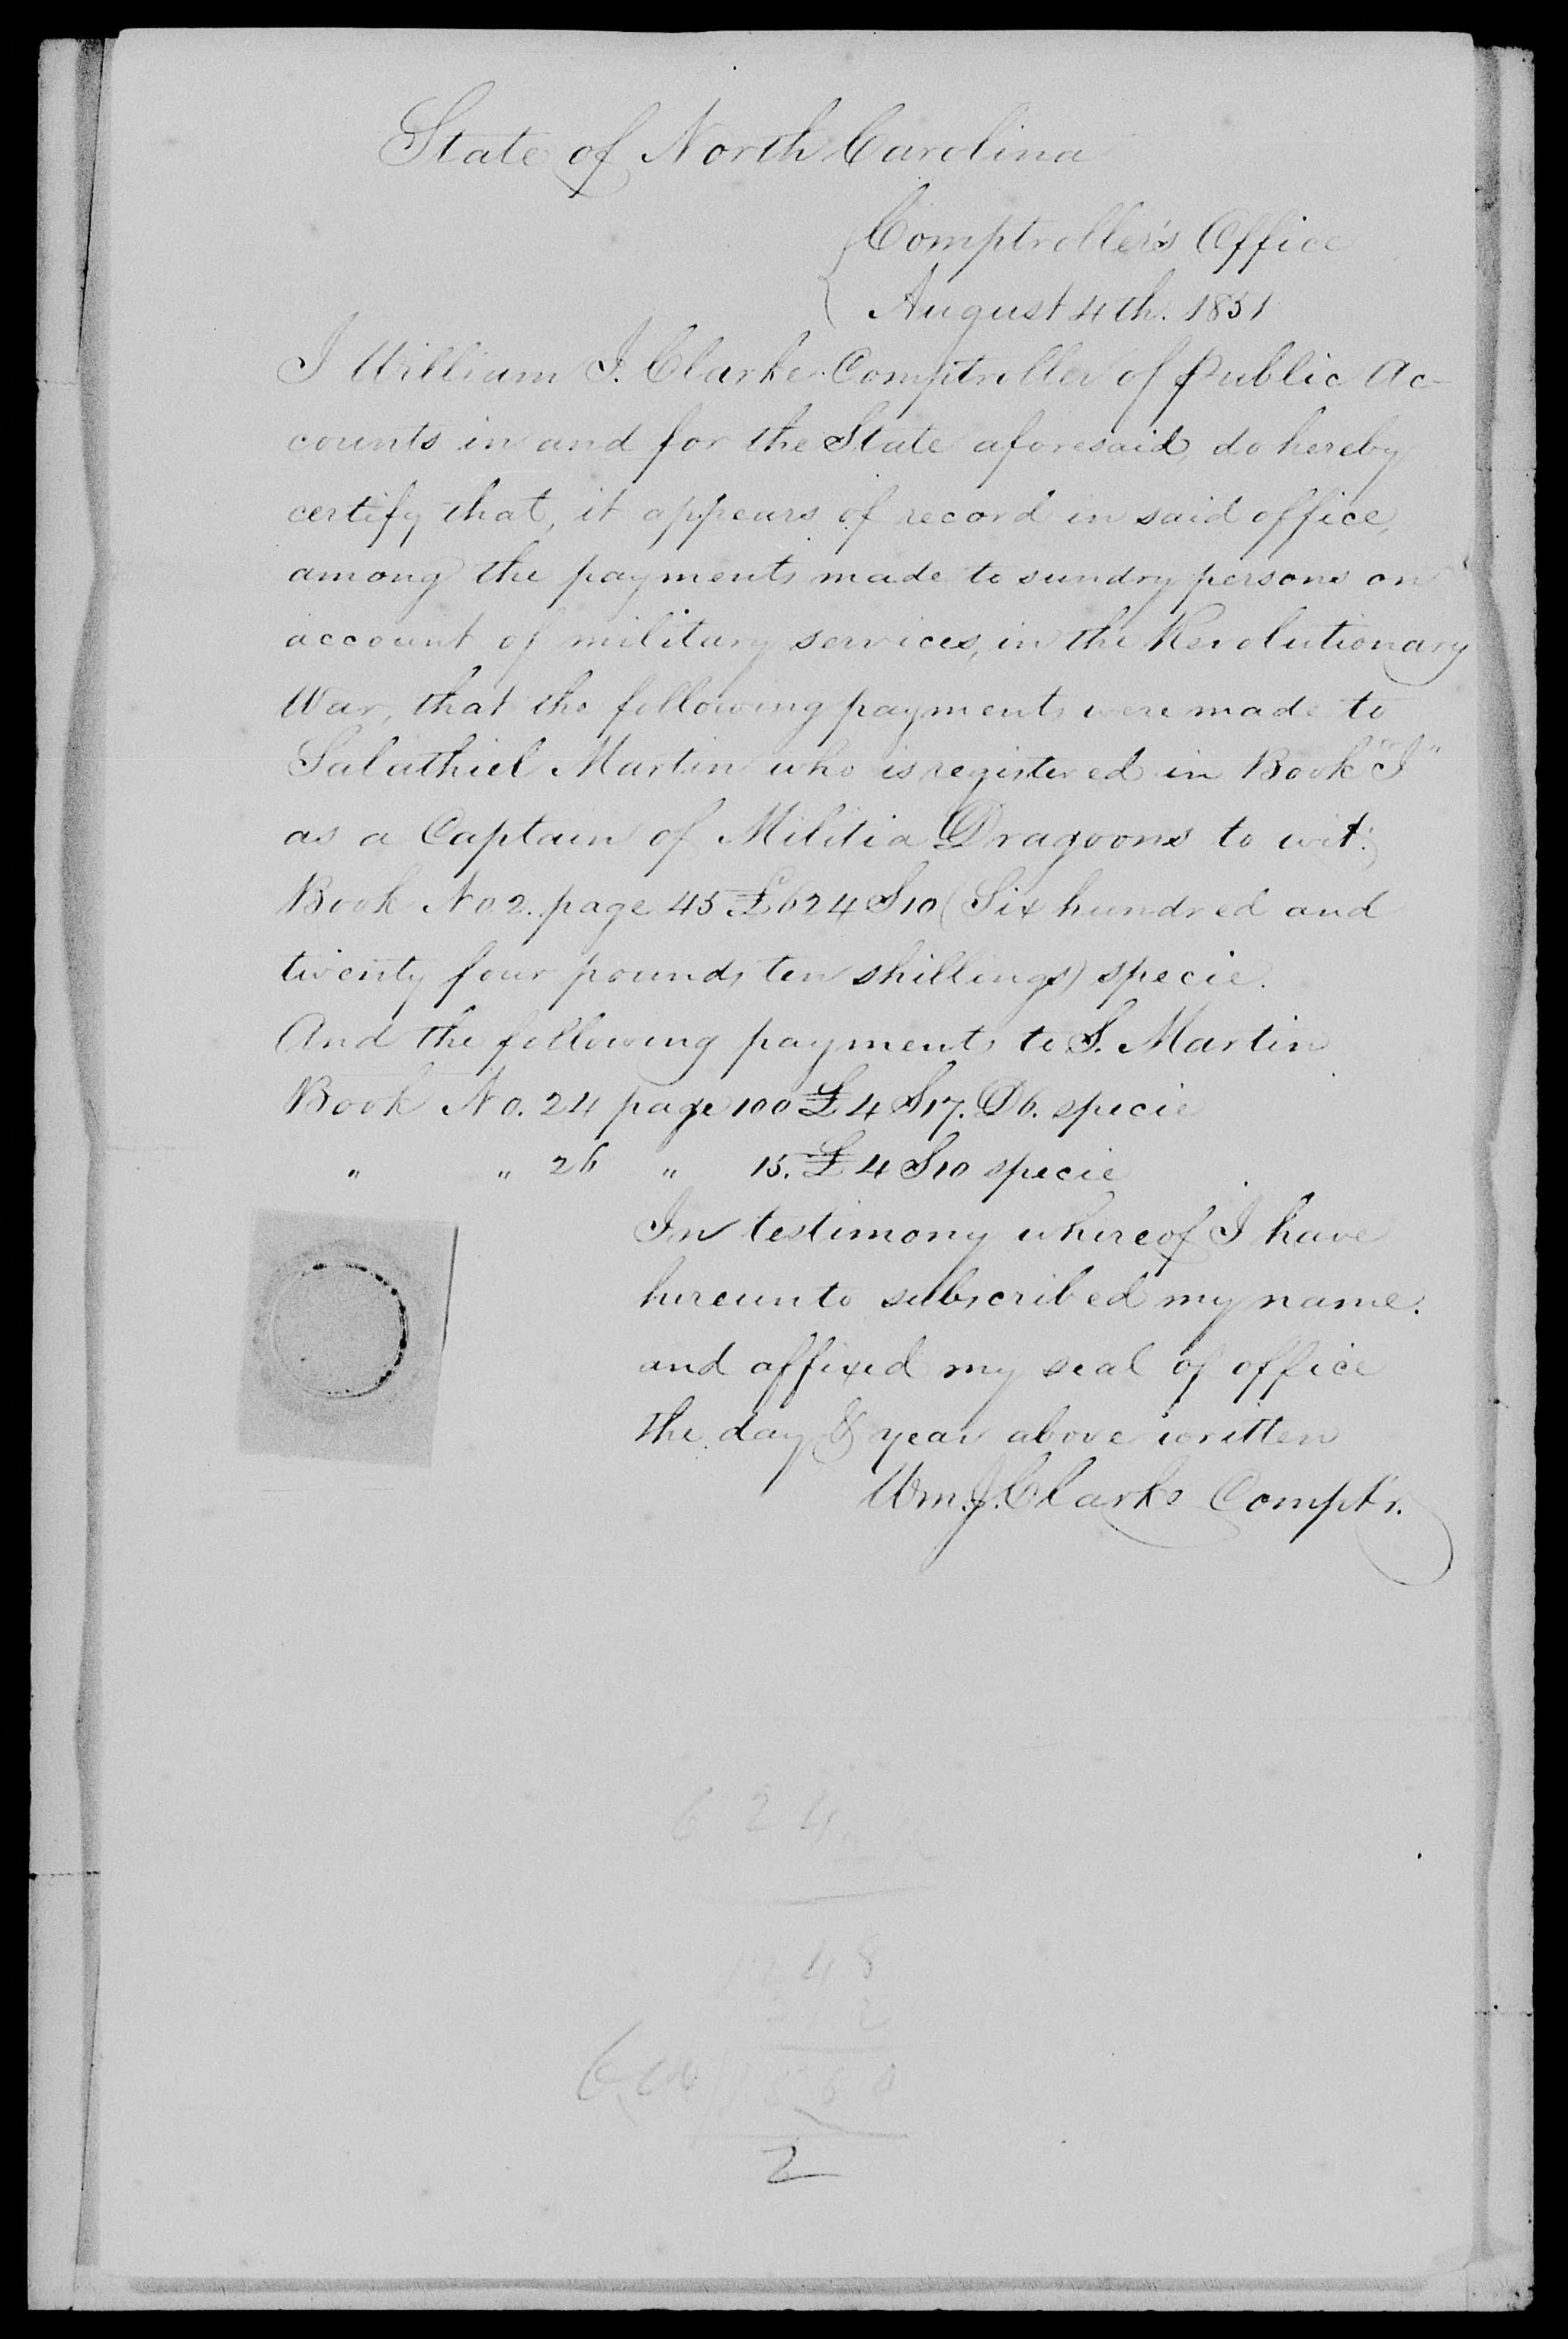State of North Carolina
(Comptroller's Office
(August 4th. 1851
I William J. Clarke Comptroller of public ac-
counts in and for the State aforesaid do hereby
certify that it appears of record in said office
among the payments made to sundry persons on
account of military services in the Revolutionary
War that the following payments were made to
Salathiel Martin who is registered in Book "J"
as a Captain of Militia Dragoons to wit:
Book No 2. page 45 ￡624 S10 (Six hundred and 
twenty four pounds ten shillings specie
And the following payment to S. Martin
Book No. 24 page 100 ￡4 S17.D6. specie
    "      "    26    "       15￡4  S10 specie
[Seal] In testimony whereof I have
hereunto subscribed my name
and affixed my seal of office
the day & year above written
Wm. J. Clarke Comptr.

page: 106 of 120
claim: widow's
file: W. 1044, for Salathiel Martin, North Carolina